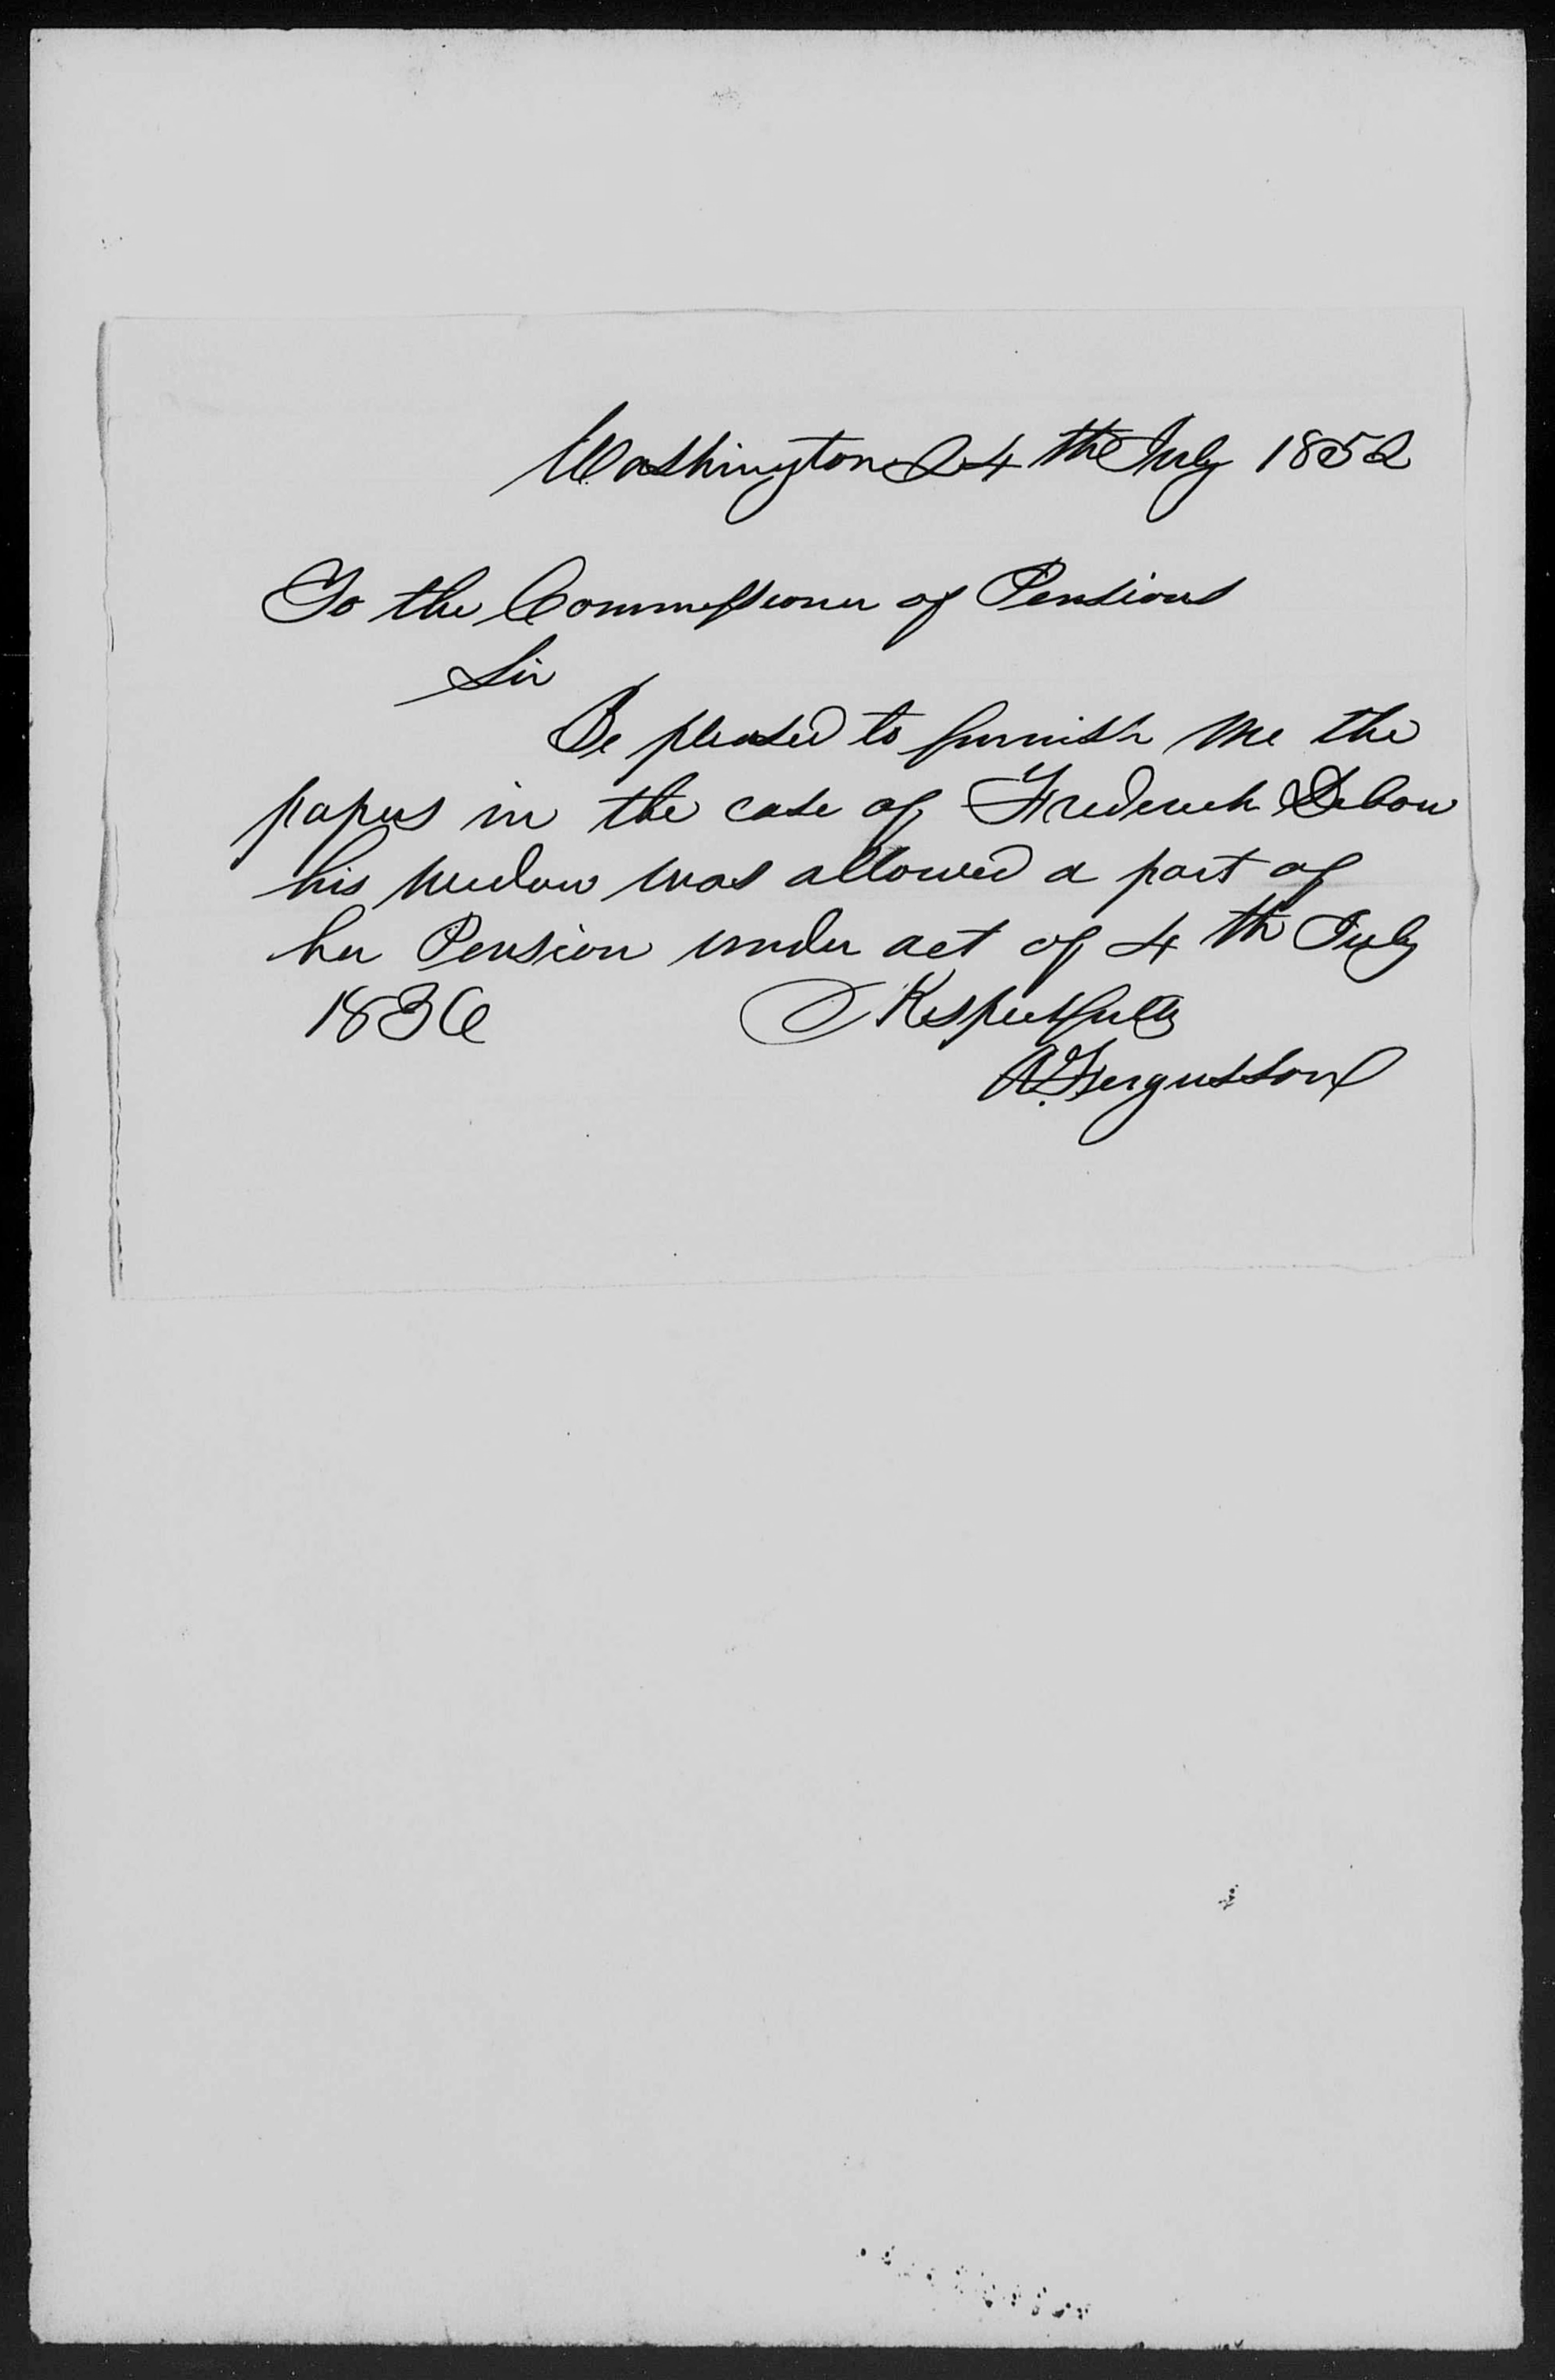Washington 4th July 1852
To the Commissioner of Pensions,
Sir
Be pleased to furnish me the papers in the case of Frederick DeBow his widow was allowed a part of her pension under Act of 4th July 1886.
Respectfully
A Fergusson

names: Frederick Debow, A Fergusson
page: 21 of 62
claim: widow's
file: W 7005, Frederick Debow, N.C.